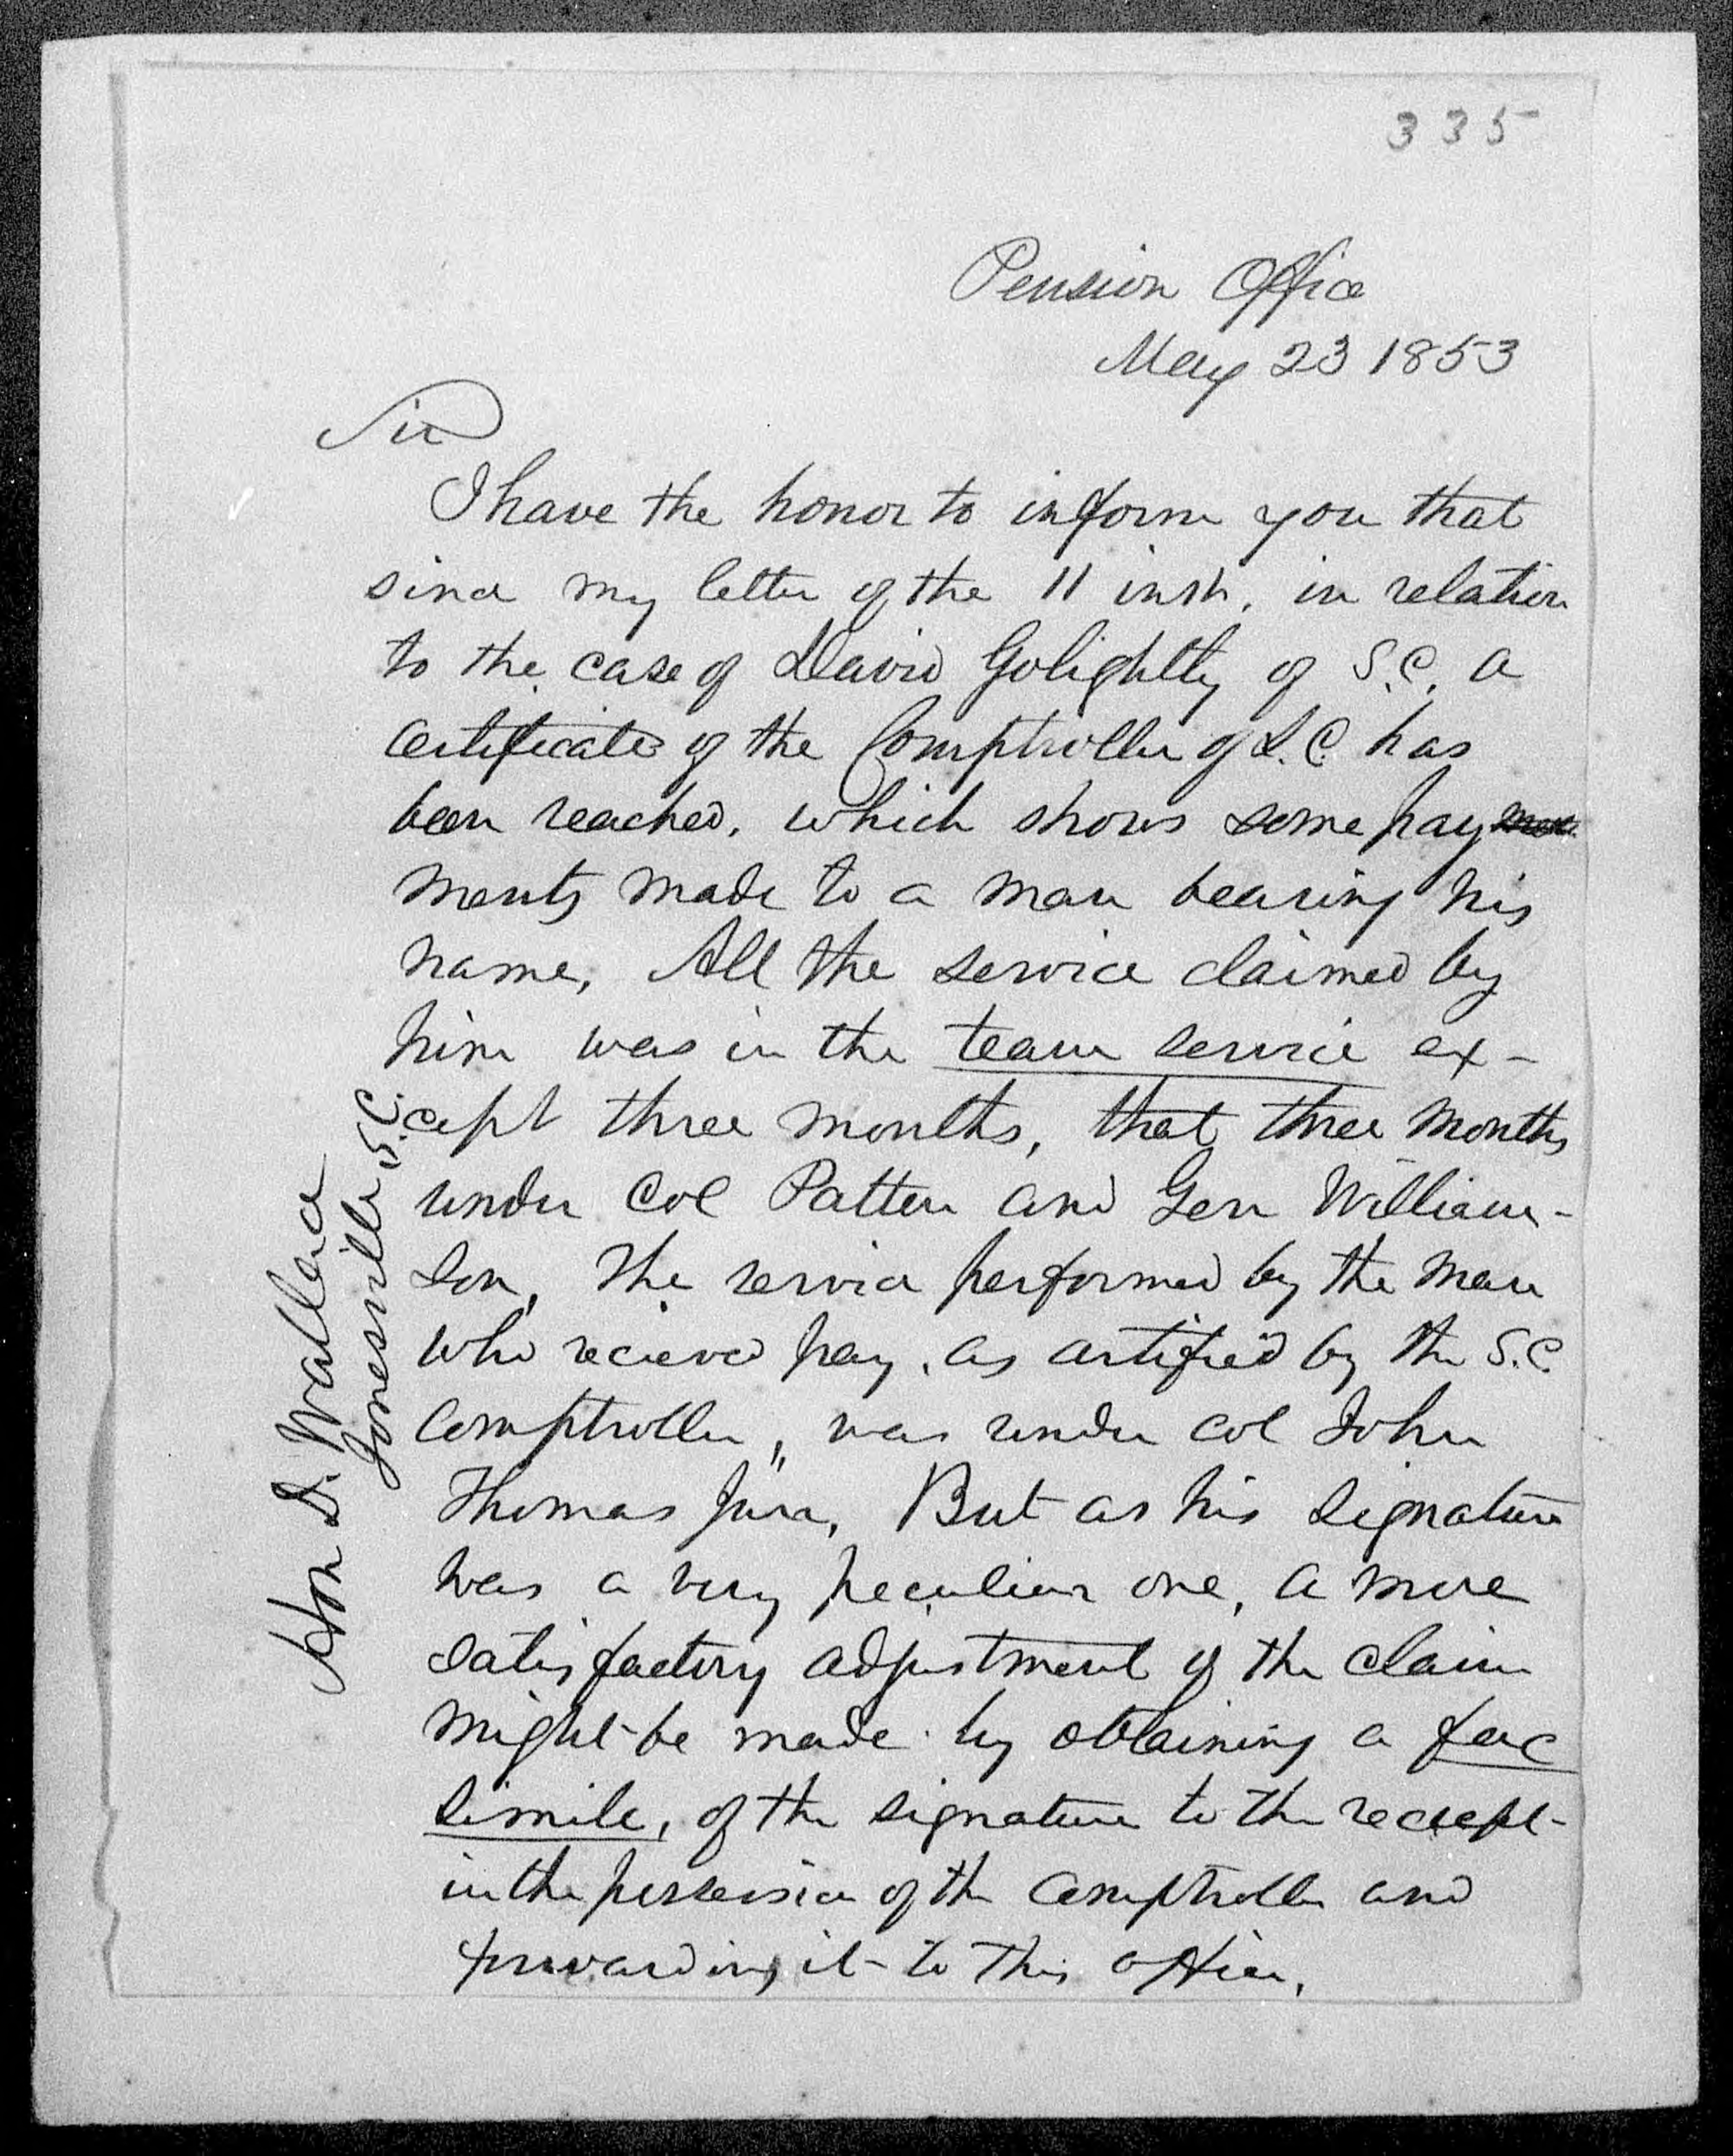Pension Office
May 23 1853

Sir
I have the honor to inform you that 
Since my letter of the 11 inst , in relation to the case of David Golightly of S.C. a 
certificate of the Comptroller of S.C. has
been reached. Which shows some pay
merits made to a man bearing his name. All the service claimed by
him was in the team service ex-
cept three months, that three months 
under Col Patten and Gen Williams.
In, the service performer by the man
who receives pay. As artified by the S.C.
comptroller was under Col John 
Thomas Jana. But as his signature 
was a very peculiar one, a mere
satisfactory adjustment of the claim
might be made by obtaining a facsimile ,
of the signature to the receipt 
in the possession of the comptroller and
forwarding it to this office.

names: Patton, John Thomas, David Golightly, D Wallace, Williamson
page: 36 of 57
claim: survivor's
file: S. 18888, David Golightly, S.C.